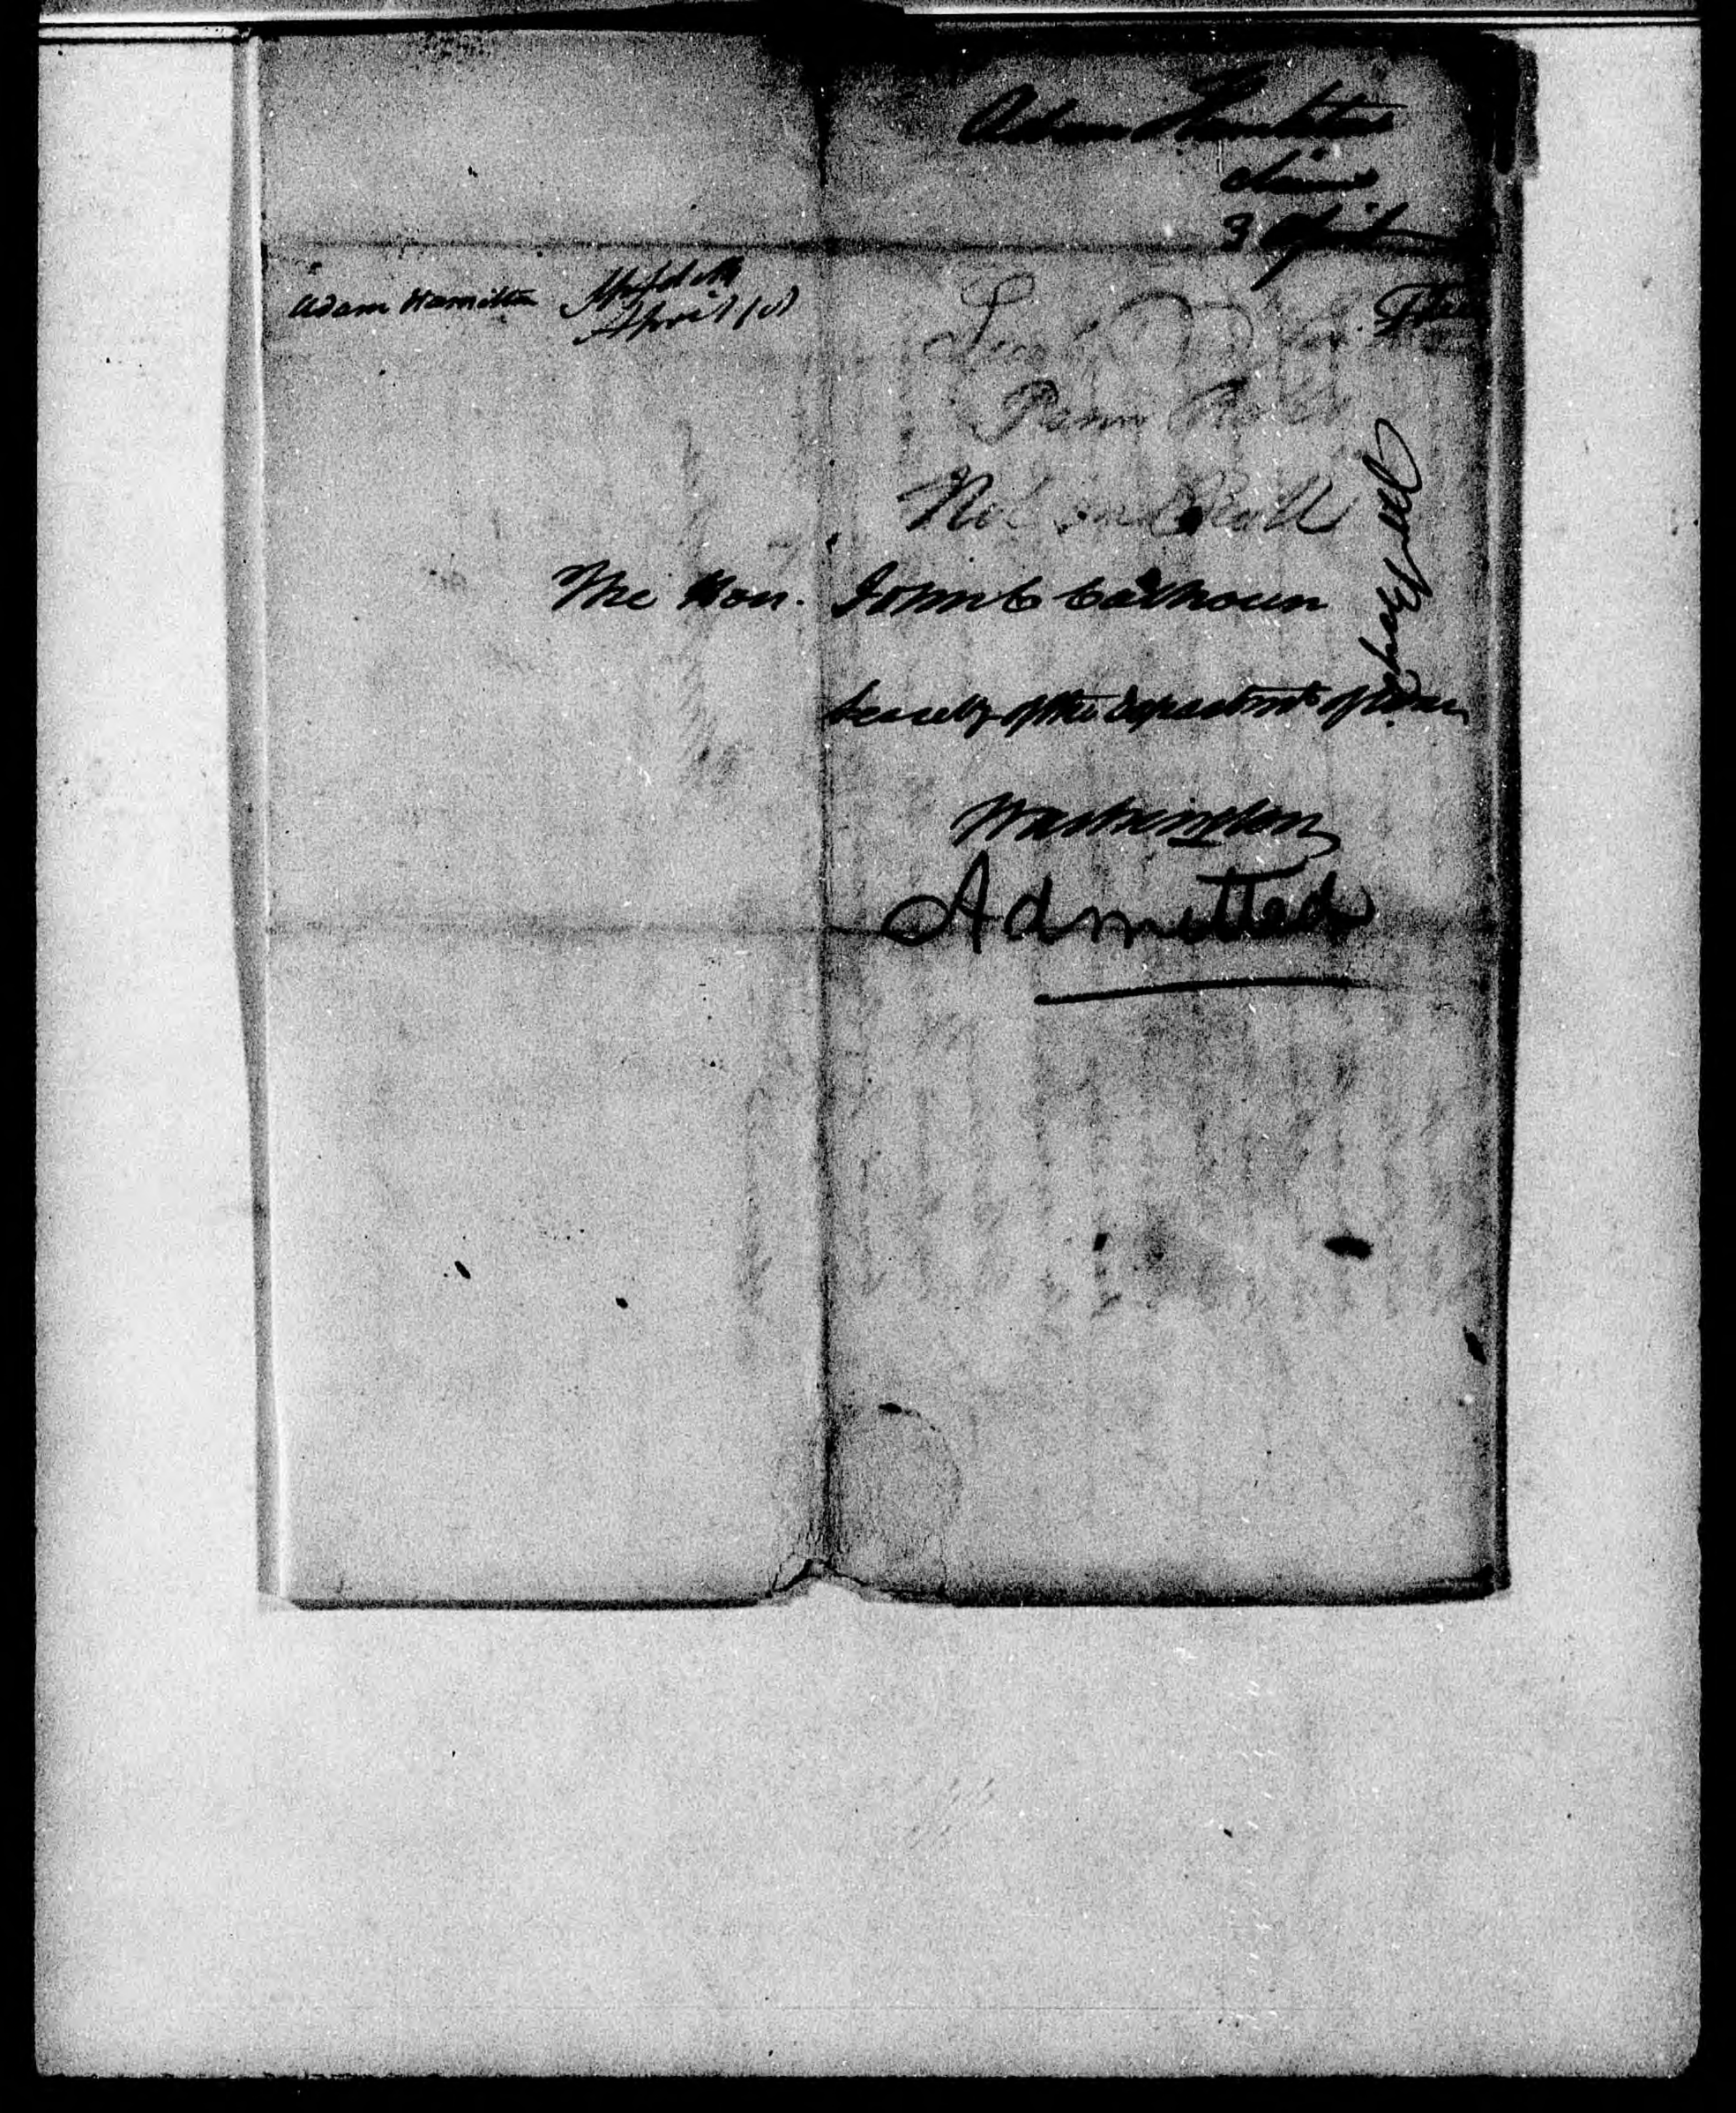Adam Hamilton's Claim 3 April 

Adam Hamilton (illegible) April 1st.
 
(illegible) for the Penna. rolls 
Not on Rolls.

The Hon. John C. Calhoun
Secretary of the Department of War.
Washington

Admitted. 
Wm. Boyd.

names: Boyd, Adam Hamilton, Adam Hamilton, John C Calhoun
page: 4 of 12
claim: survivor's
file: S. 32796, Adam Hamilton, Penn.